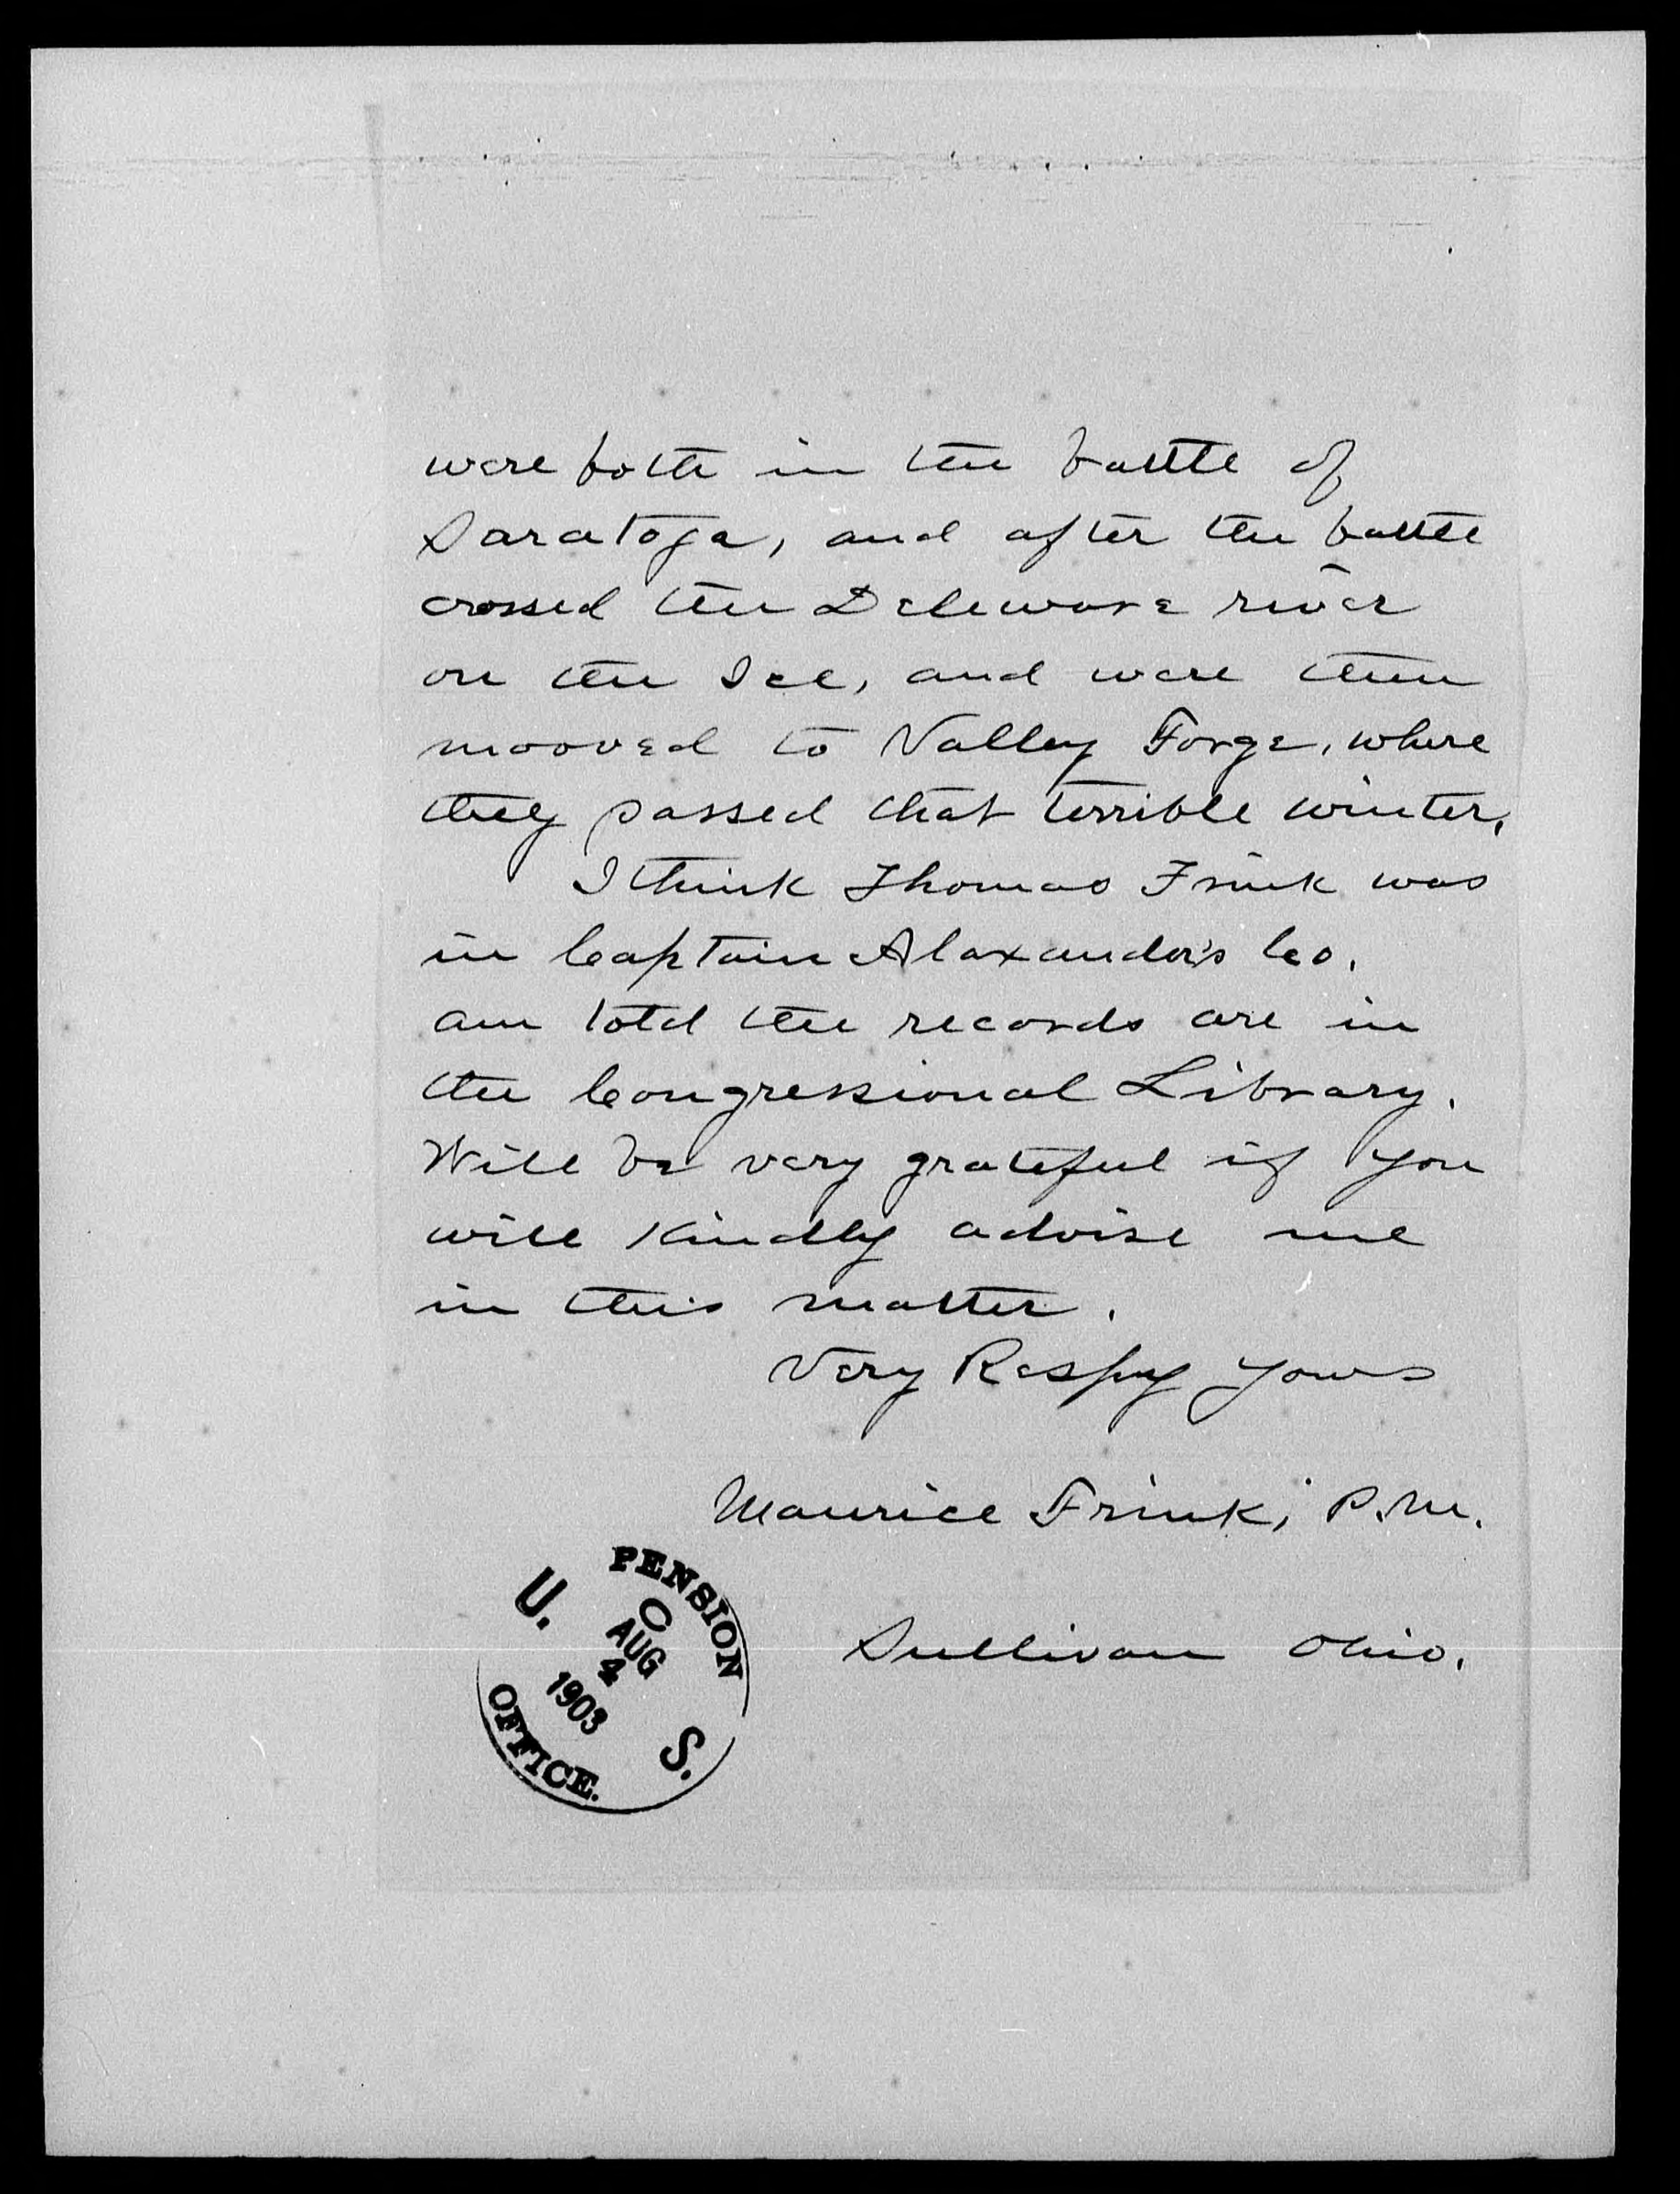were both in the battle of Saratoga, and after the battle crossed the Delaware river on the Ice, and were then moved to Valley Forge, where they passed that terrible winter.
       I think Thomas Frink was in Captain Alexander's Co, am told the records are in the Congressional Library.  Will be very grateful if you will kindly advise me in this matter.

                                         Very Rspy Yours
                                        Maurice Frink,  P.ru
                                         Sullivan Ohio.

[round stamp at bottom left reads:]

          PENSION
      U.     O        S.
            AUG 
               4
              1903
            OFFICE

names: Maurice Frink, Thomas Frink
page: 29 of 33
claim: survivor's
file: S 43571, Thomas Frink, Mass.